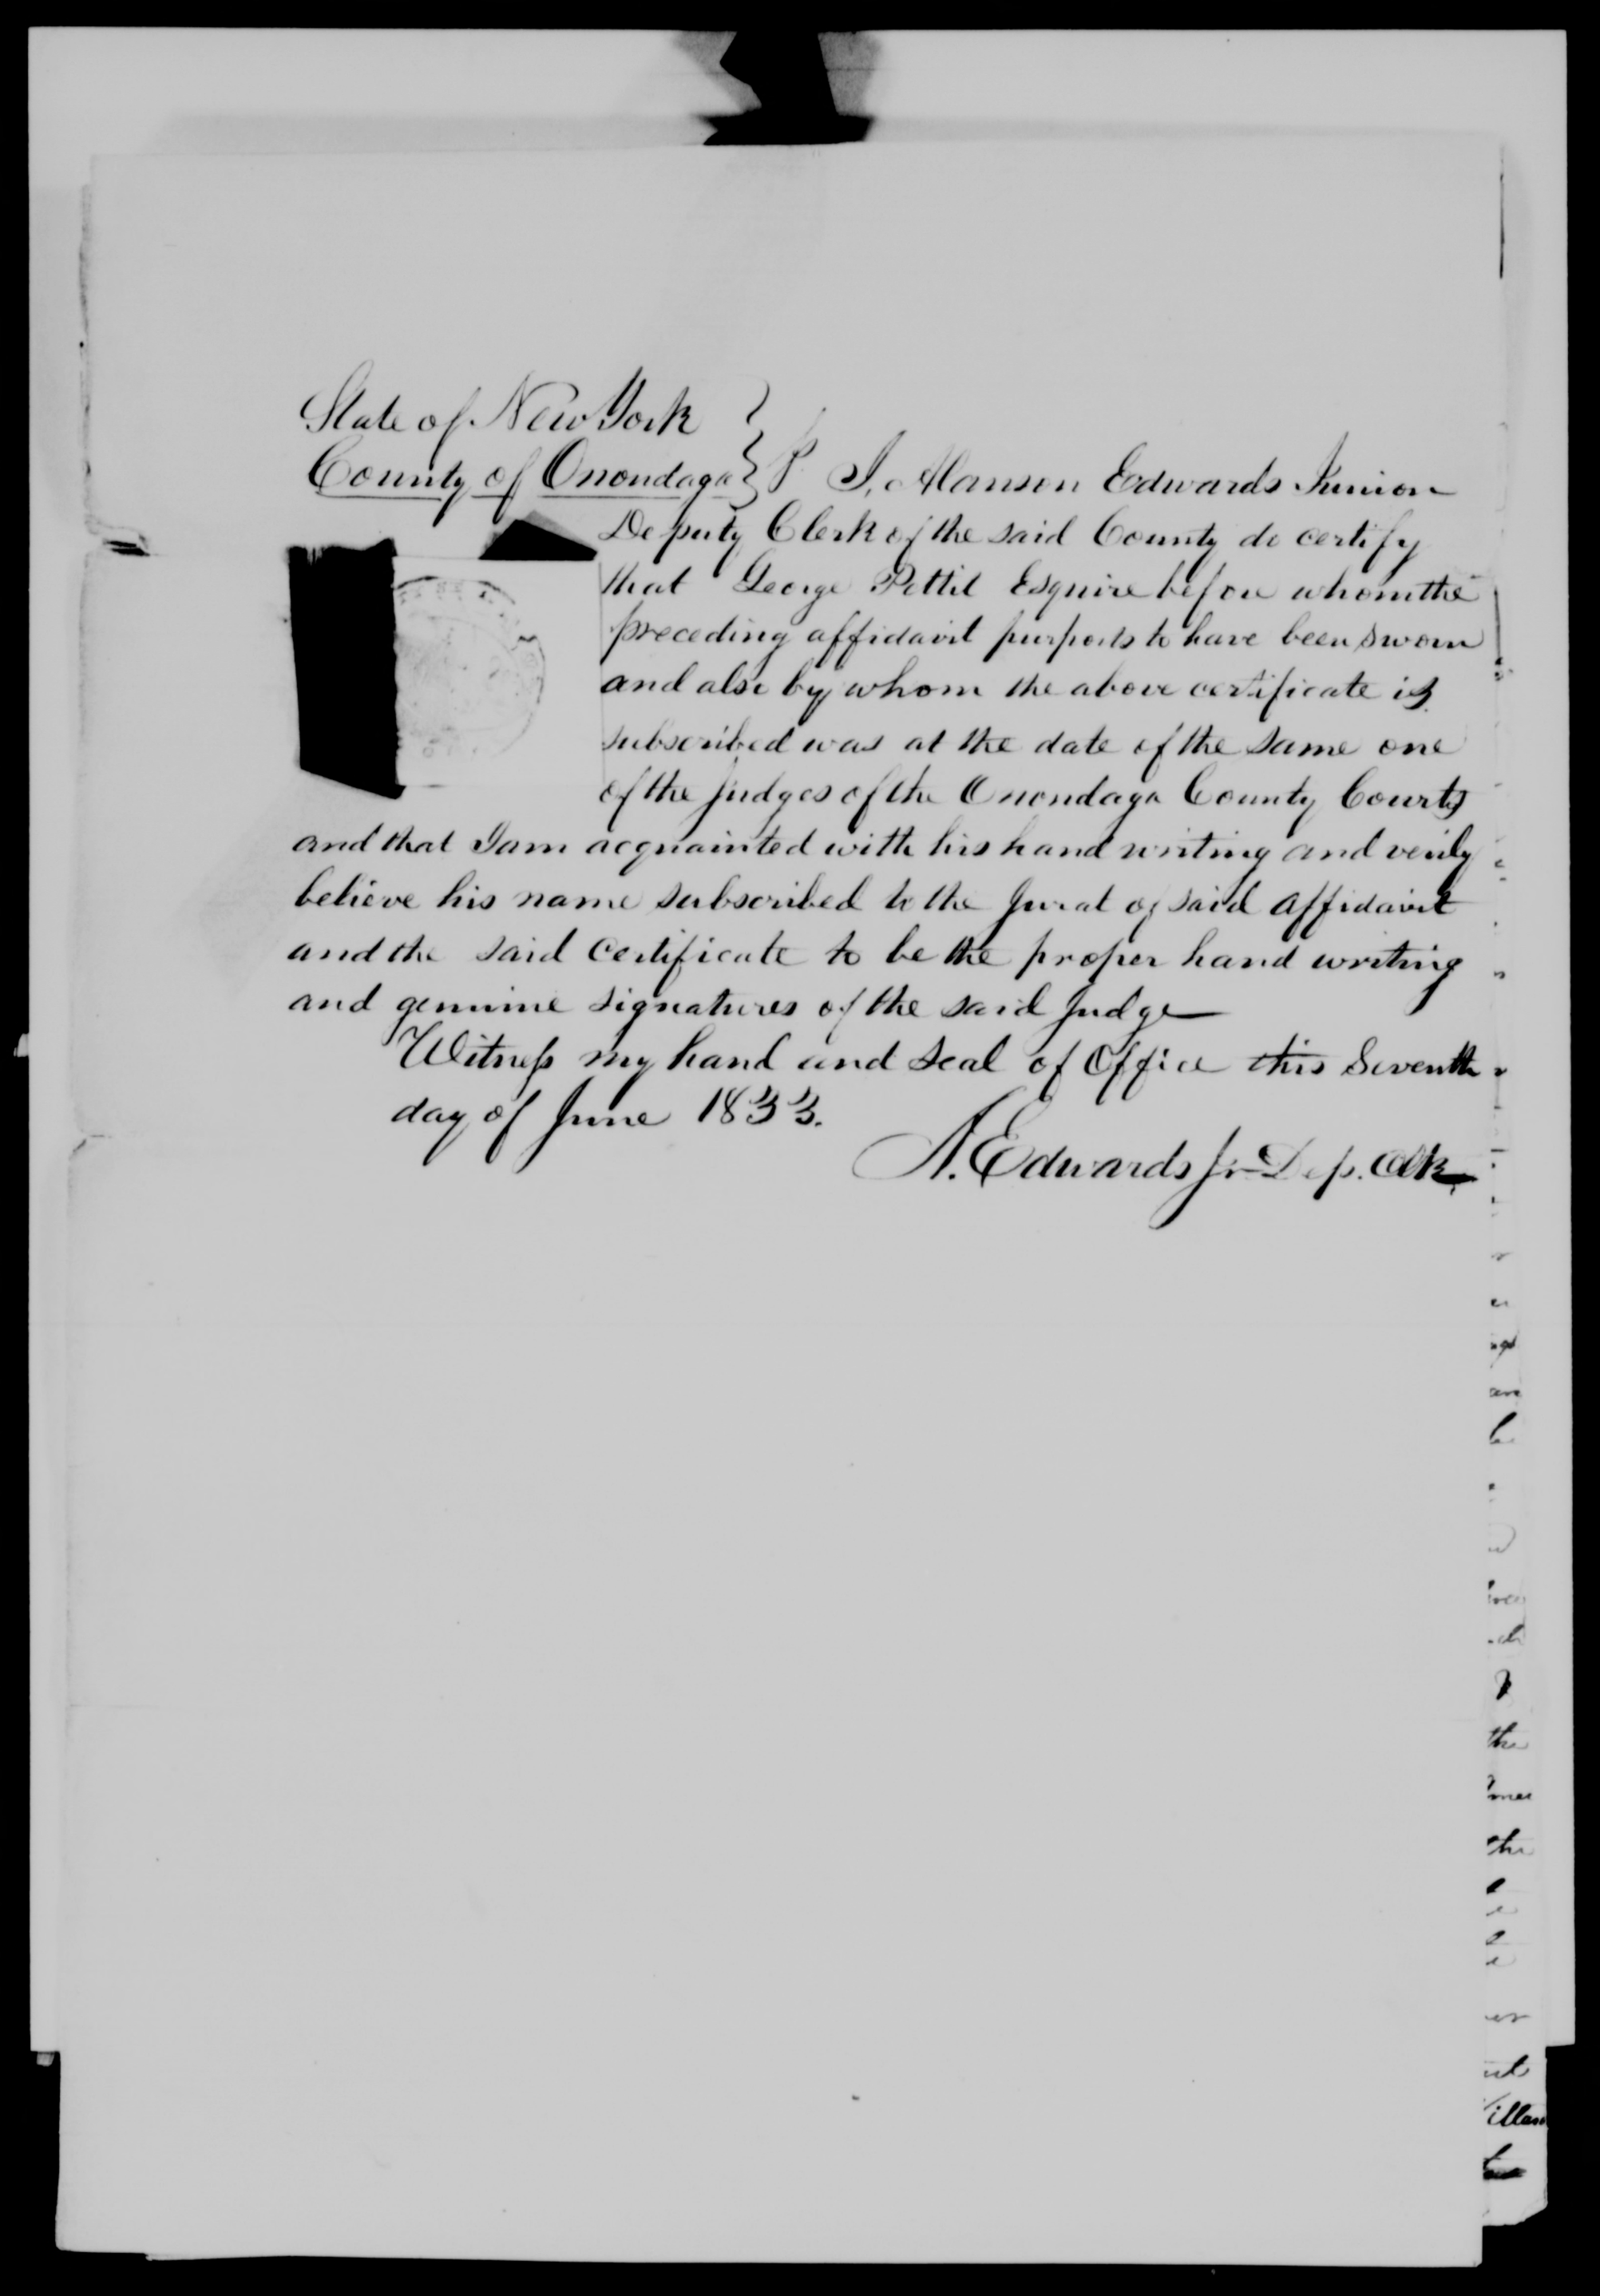State of New York
County of Onondaga, I Alanson Edwards Junior
Deputy Clerk of the said County do certify
that George Pettil Esquire before whom the

preceding affidavit purports to have been sworn
and also by whom the above certificate is
subscribed was at the date of the same one of the
Judges of the Onondaga County Courts
and that I am acquainted with his hand writing and verily
believe his name subscribed to the Jurat of said affidavit
and the said Certificate to be the proper hand writing
and genuine signatures of the said Judge

Witness my hand and seal of Office this Seventh
day of June 1833.
A. Edwards Joseph clk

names: George Pettil, Alanson Edwards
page: 17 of 18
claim: survivor's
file: S. 11848, John Willard, N. H.